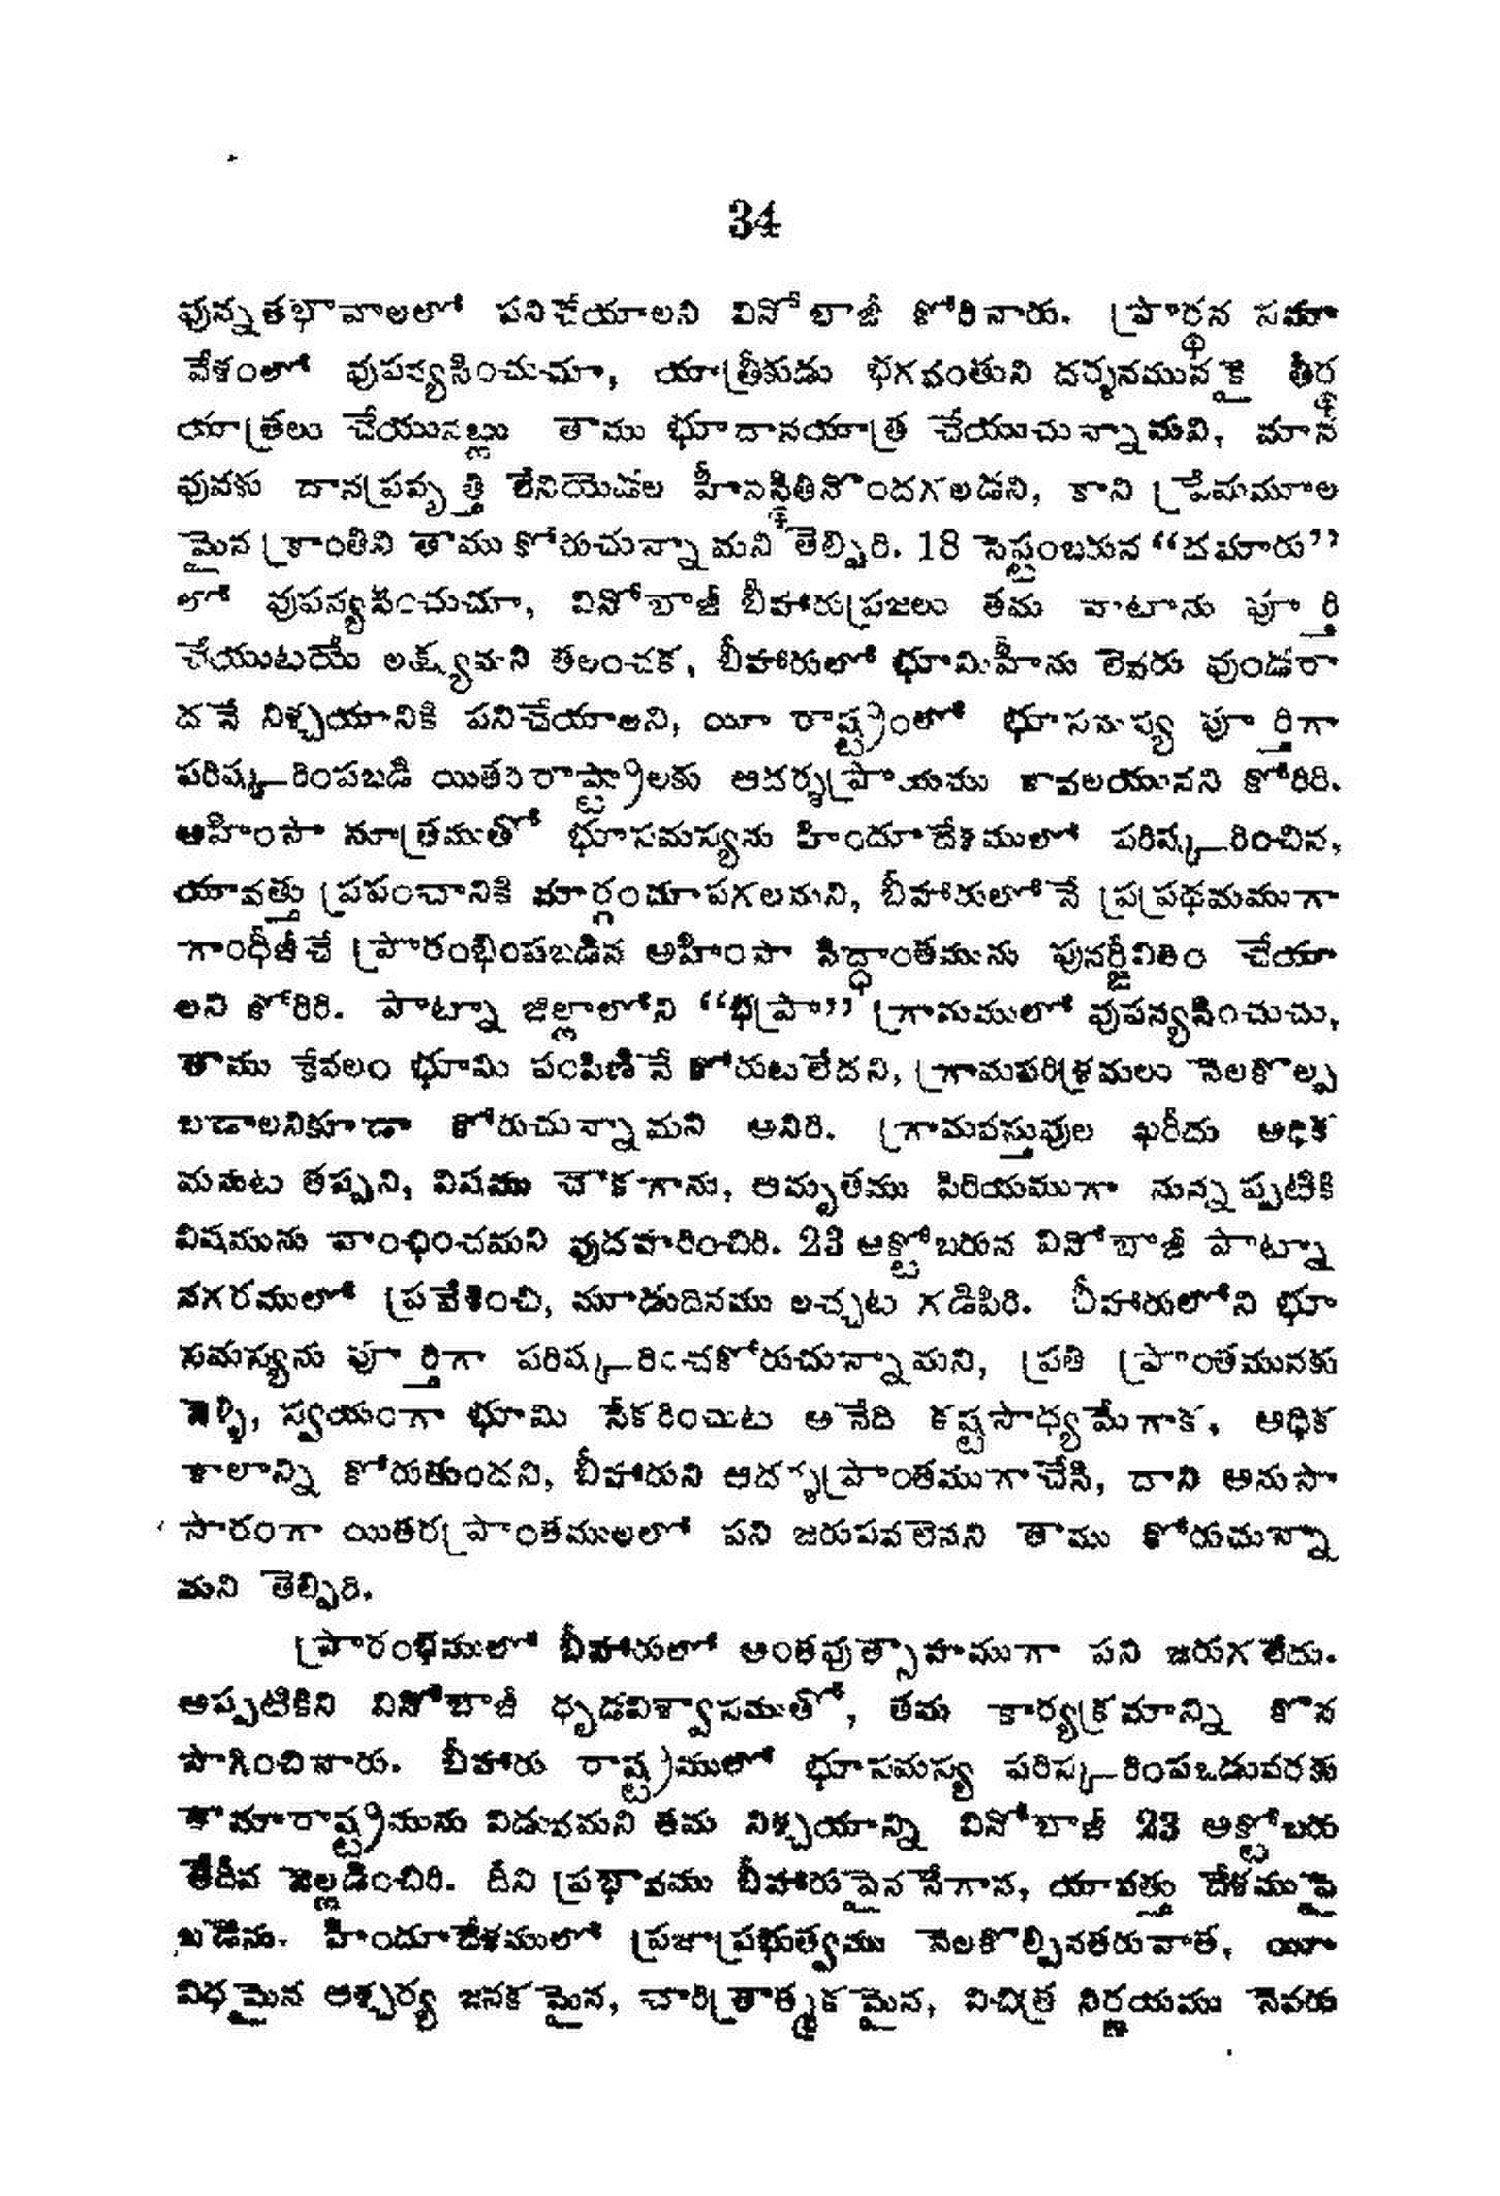వున్నతభావాలలో పనిచేయాలని వినోబాజీ కోరినారు. ప్రార్థన సమావేశంలో వుపన్యసించుచూ, యాత్రీకుడు భగవంతుని దర్శనమునకై తీర్థయాత్రలు చేయునట్లు తాము భూదానయాత్ర చేయుచున్నామని, మానవునకు దానప్రవృత్తి లేనియెడల హీనస్థితినొందగలడని, కాని ప్రేమమూలమైన క్రాంతిని తాము కోరుచున్నామని తెల్ఫిరి. 18 సెప్టంబరున "దమారు" లో వుపన్యసించుచూ, వినోబాజీ బీహారుప్రజలు తమ వాటాను పూర్తి చేయుటయే లక్ష్యమని తలంచక , బీహారులో భూమిహీను లెవరు వుండరాదనే నిశ్చయానికి పనిచేయాలని, యీ రాష్ట్రంలో భూసమస్య పూర్తిగా పరిష్కరింపబడి యితరరాష్ట్రాలకు ఆదర్శప్రాయము కావలయునని కోరిరి. ఆహింసా సూత్రముతో భూసమస్యను హిందూదేశములో పరిష్కరించిన, యావత్తు ప్రపంచానికి మార్గంచూపగలమని, బీహారులోనే ప్రప్రథమముగా గాంధీజీచే ప్రారంభింపబడిన అహింసా సిద్ధాంతమును పునర్జీవితిం చేయాలని కోరిరి. పాట్నా జిల్లాలోని "భప్రా” గ్రామములో వుపన్యసించుచు, తాము కేవలం భూమి పంపిణినే కోరుటలేదని, గ్రామపరిశ్రమలు నెలకొల్ప బడాలనికూడా కోరుచున్నామని అనిరి. గ్రామవస్తువుల ఖరీదు అధికమనుట తప్పని, విషము చౌకగాను, అమృతము పిరియముగా నున్నప్పటికి విషమును వాంఛించమని వుదహరించిరి. 23 అక్టోబరున వినోబాజీ పాట్నా నగరములో ప్రవేశించి, మూడుదినము లచ్చట గడిపిరి. బీహారులోని భూ సమస్యను పూర్తిగా పరిష్కరించకోరుచున్నామని, ప్రతి ప్రాంతమునకు వెళ్ళి, స్వయంగా భూమి సేకరించుట అనేది కష్టసాధ్యమేగాక, అధిక కాలాన్ని కోరుతుందని, బీహారుని ఆదర్శప్రాంతముగాచేసి, దాని అనుసాసారంగా యితర ప్రాంతములలో పని జరుపవలెనని తాము కోరుచున్నామని తెల్ఫిరి.

ప్రారంభములో బీహారులో అంతవుత్సాహముగా పని జరుగలేదు. అప్పటికిని వినోబాజీ ధృడవిశ్వాసముతో, తమ కార్యక్రమాన్ని కొనసాగించినారు. బీహారు రాష్ట్రములో భూసమస్య పరిష్కరింపబడువరకు తామారాష్ట్రమును విడువమని తమ నిశ్చయాన్ని వినోబాజీ 23 అక్టోబరు తేదీన వెల్లడించిరి. దీని ప్రభావము బీహారుపైననేగాన, యావత్తు దేశముపై బడెను. హిందూదేశములో ప్రజాప్రభుత్వము నెలకొల్పినతరువాత, యీ విధమైన ఆశ్చర్య జనకమైన, చారిత్రాత్మకమైన, విచిత్ర నిర్ణయము నెవరు